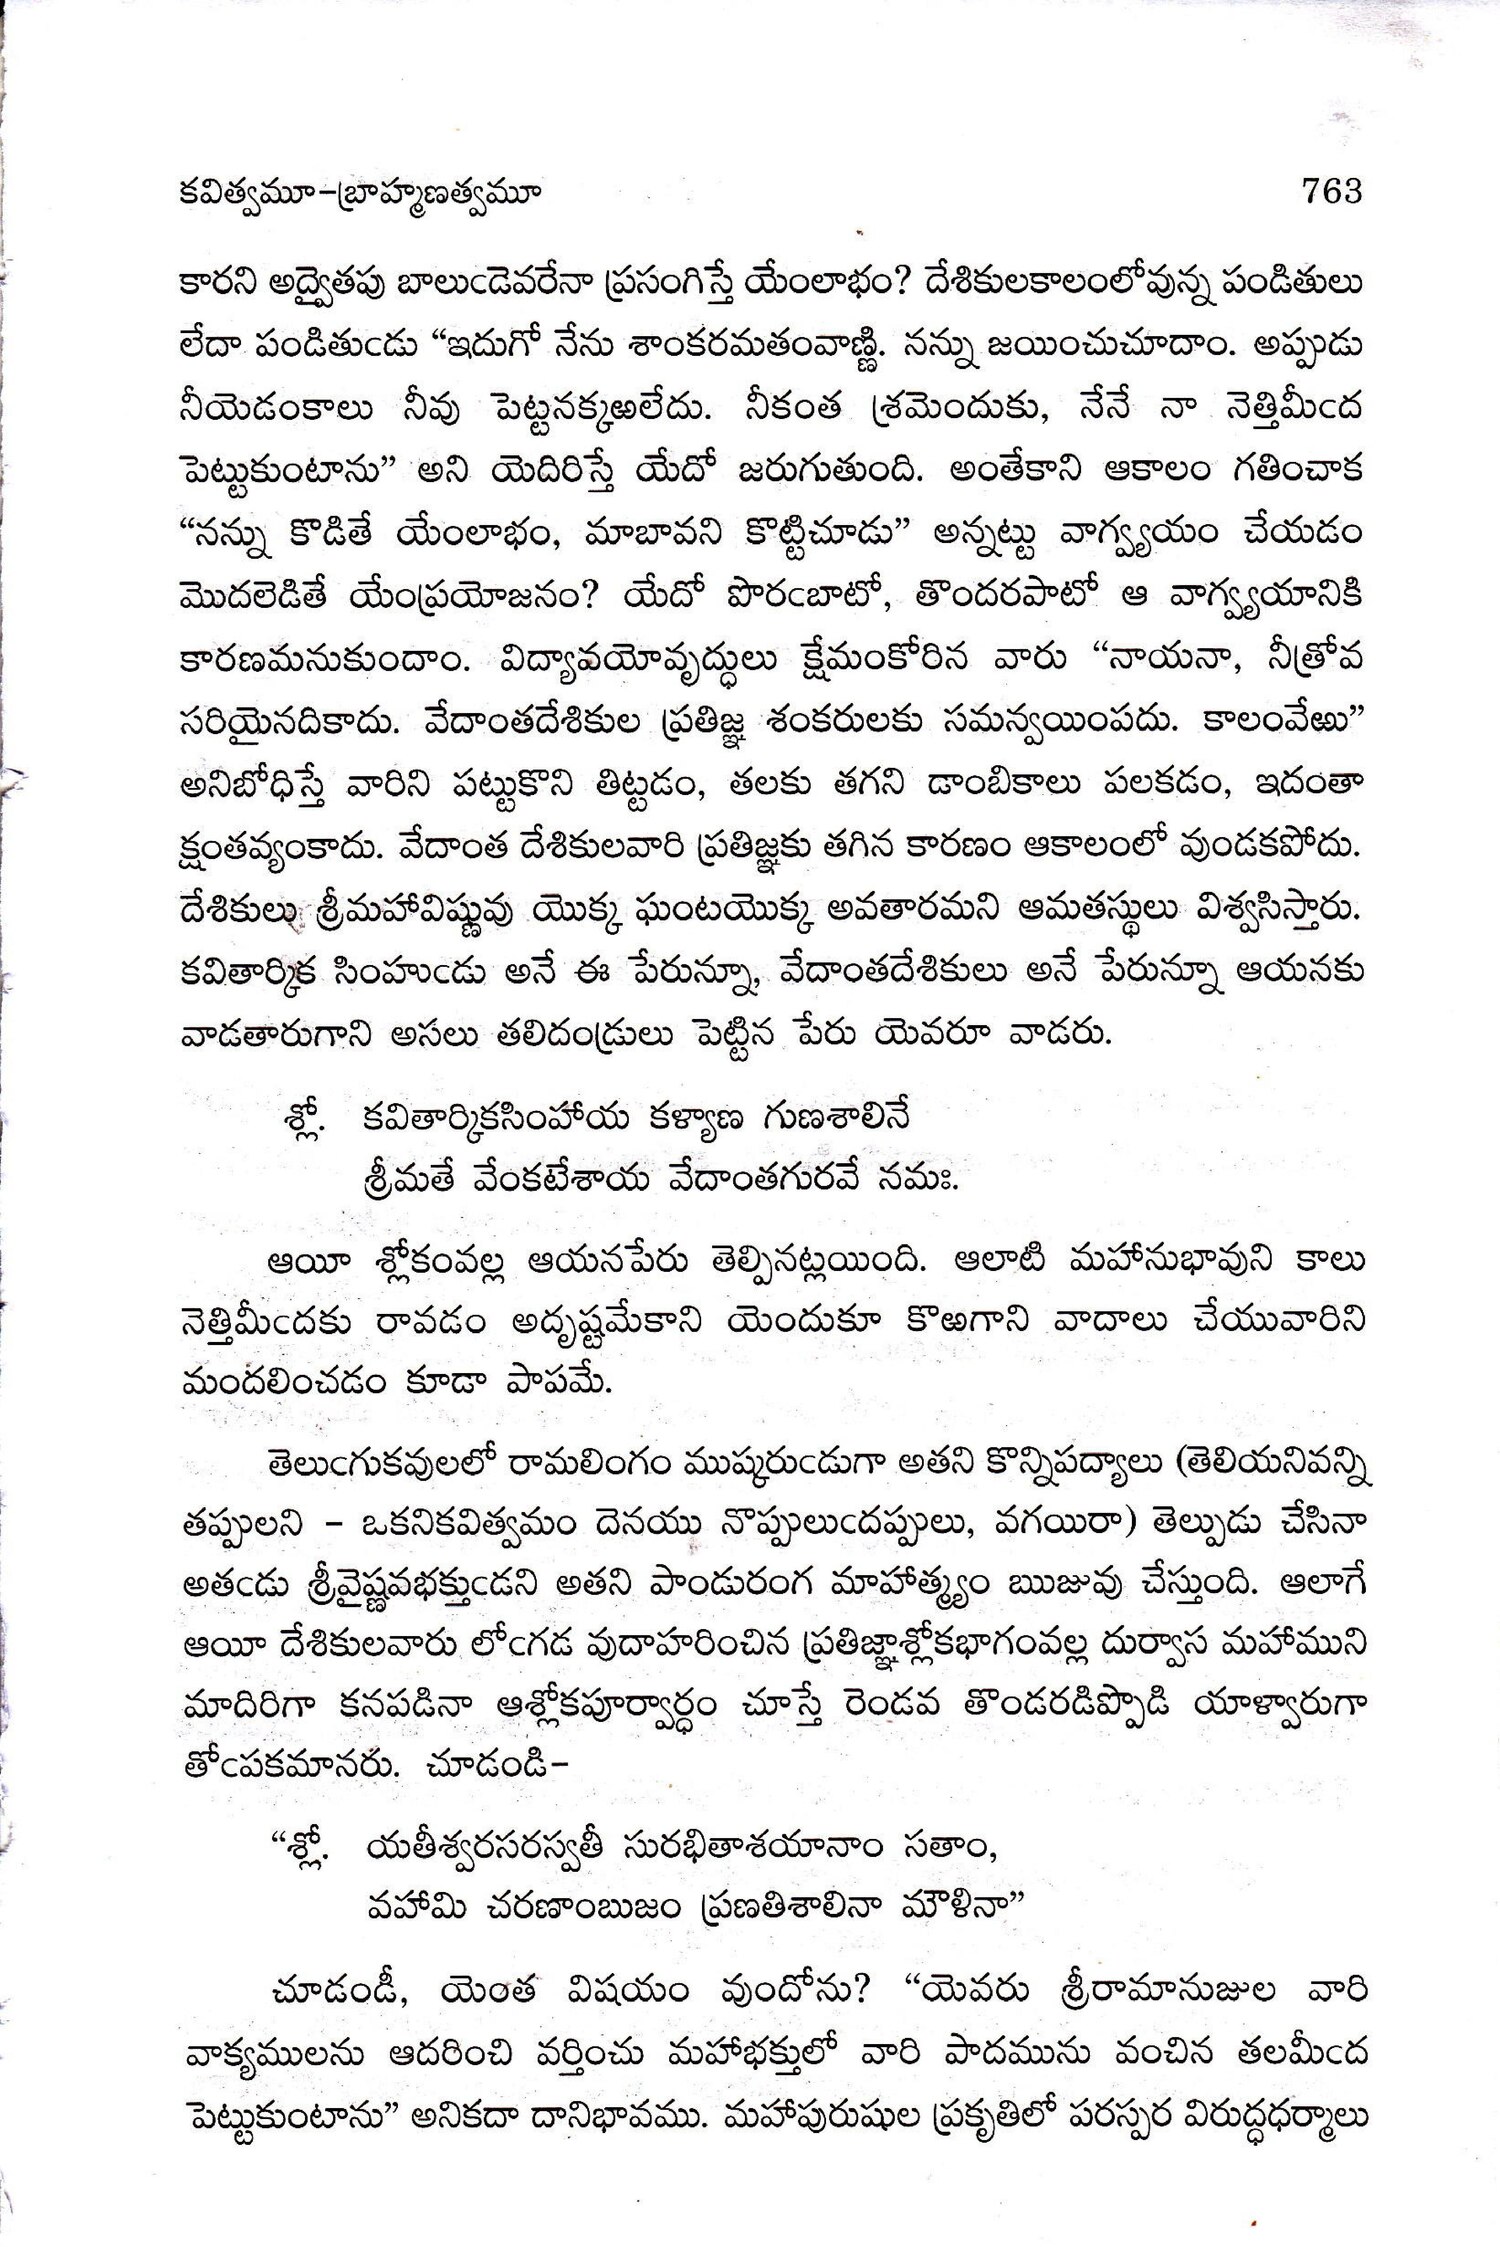కారని అద్వైతపు బాలుఁడెవరేనా ప్రసంగిస్తే యేంలాభం? దేశికులకాలంలోవున్న పండితులు లేదా పండితుఁడు “ఇదుగో నేను శాంకరమతంవాణ్ణి. నన్ను జయించుచూదాం. అప్పుడు నీయెడంకాలు నీవు పెట్టనక్కఱలేదు. నీకంత శ్రమెందుకు, నేనే నా నెత్తిమీఁద పెట్టుకుంటాను" అని యెదిరిస్తే యేదో జరుగుతుంది. అంతేకాని ఆకాలం గతించాక “నన్ను కొడితే యేంలాభం, మాబావని కొట్టిచూడు" అన్నట్టు వాగ్వ్యయం చేయడం మొదలెడితే యేంప్రయోజనం? యేదో పొరcబాటో, తొందరపాటో ఆ వాగ్వ్యయానికి కారణమనుకుందాం. విద్యావయోవృద్దులు క్షేమంకోరిన వారు "నాయనా, నీత్రోవ సరియైనదికాదు. వేదాంతదేశికుల ప్రతిజ్ఞ శంకరులకు సమన్వయింపదు. కాలంవేఱు” అనిబోధిస్తే వారిని పట్టుకొని తిట్టడం, తలకు తగని డాంబికాలు పలకడం, ఇదంతా క్షంతవ్యంకాదు. వేదాంత దేశికులవారి ప్రతిజ్ఞకు తగిన కారణం ఆకాలంలో వుండకపోదు. దేశికులు శ్రీమహావిష్ణువు యొక్క ఘంటయొక్క అవతారమని ఆమతస్థులు విశ్వసిస్తారు. కవితార్మిక సింహుఁడు అనే ఈ పేరున్నూ, వేదాంతదేశికులు అనే పేరున్నూ ఆయనకు వాడతారుగాని అసలు తలిదండ్రులు పెట్టిన పేరు యెవరూ వాడరు.

శ్లో. కవితార్కికసింహాయ కళ్యాణ గుణశాలినే
 శ్రీమతే వేంకటేశాయ వేదాంతగురవే నమః.
ఆయీ శ్లోకంవల్ల ఆయనపేరు తెల్పినట్లయింది. ఆలాటి మహానుభావుని కాలు నెత్తిమీఁదకు రావడం అదృష్టమేకాని యెందుకూ కొఱగాని వాదాలు చేయువారిని మందలించడం కూడా పాపమే. - -

తెలుఁగుకవులలో రామలింగం ముష్కరుఁడుగా అతని కొన్నిపద్యాలు (తెలియనివన్ని తప్పులని - ఒకనికవిత్వమం దెనయు నొప్పులుఁదప్పులు, వగయిరా) తెల్పుడు చేసినా అతఁడు శ్రీవైష్ణవభక్తుఁడని అతని పాండురంగ మాహాత్మ్యం ఋజువు చేస్తుంది. ఆలాగే ఆయీ దేశికులవారు లోఁగడ వుదాహరించిన ప్రతిజ్ఞాశ్లోకభాగంవల్ల దుర్వాస మహాముని మాదిరిగా కనపడినా ఆశ్లోకపూర్వార్ధం చూస్తే రెండవ తొండరడిప్పొడి యాళ్వారుగా తోఁపకమానరు. చూడండి- -

“శ్లో. యతీశ్వరసరస్వతీ సురభితాశయానాం సతాం,
 వహామి చరణాంబుజం ప్రణతిశాలినా మౌళినా"
చూడండీ, యెంత విషయం వుందోను? “యెవరు శ్రీరామానుజుల వారి వాక్యములను ఆదరించి వర్తించు మహాభక్తులో వారి పాదమును వంచిన తలమీఁద పెట్టుకుంటాను" అనికదా దానిభావము. మహాపురుషుల ప్రకృతిలో పరస్పర విరుద్ధధర్మాలు